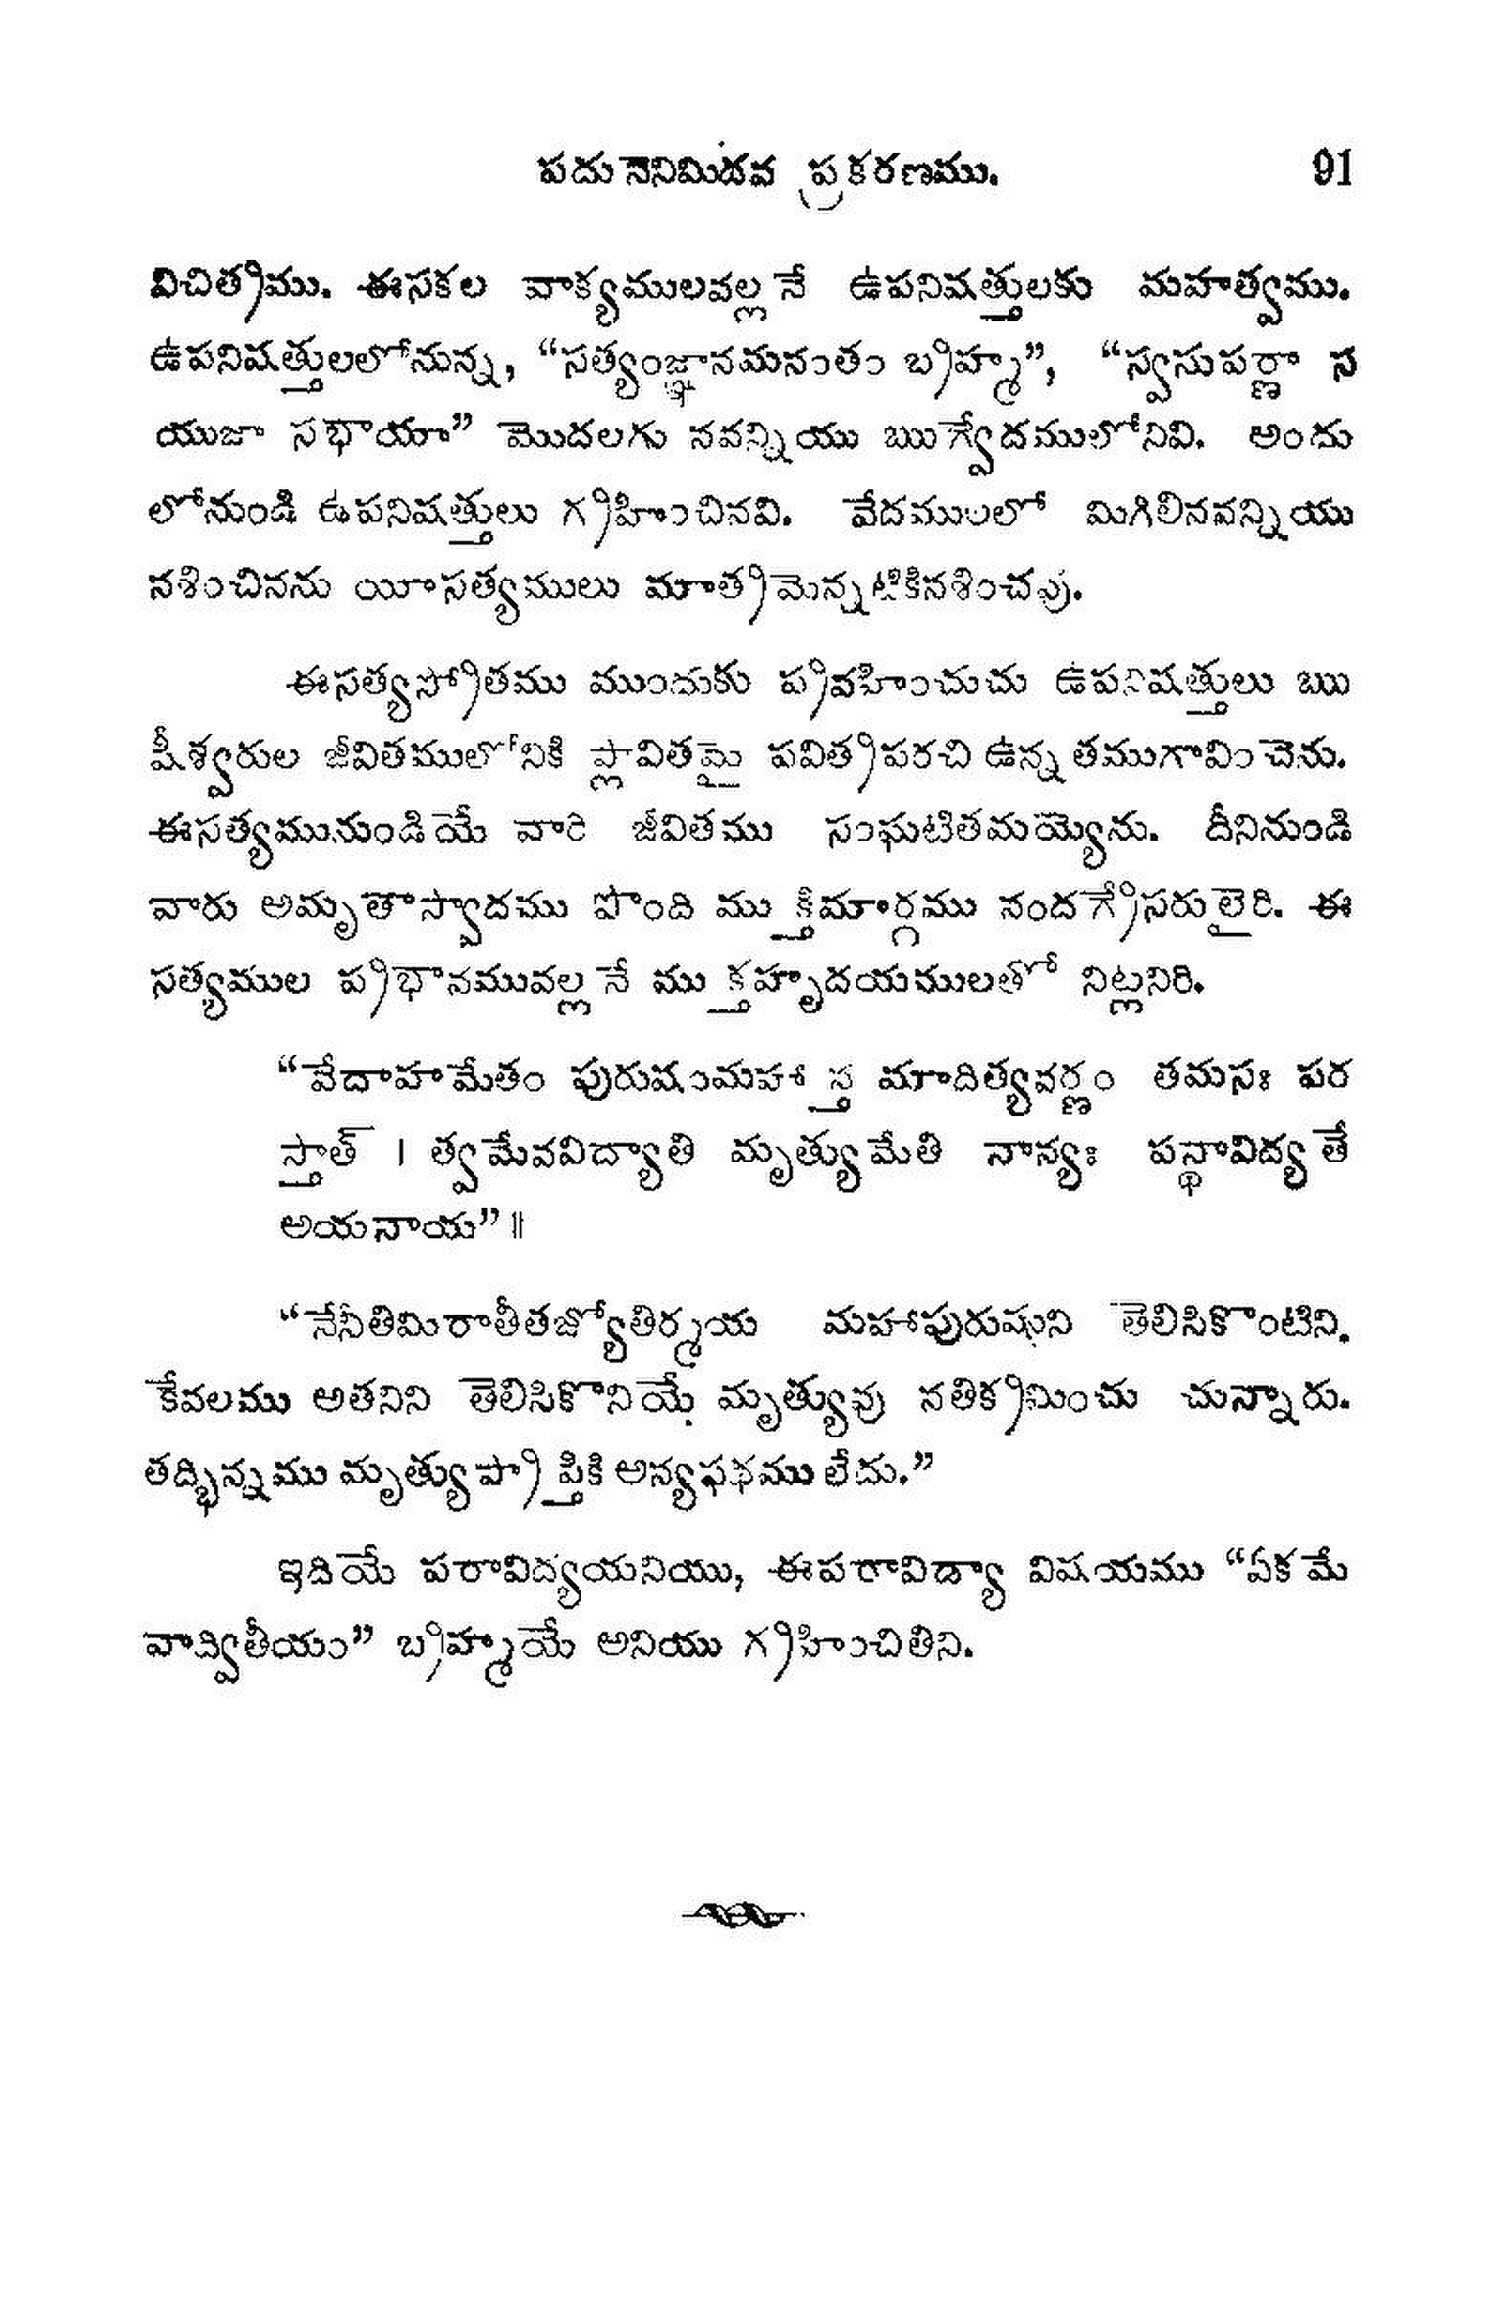విచిత్రము. ఈసకల వాక్యములవల్లనే ఉపనిషత్తులకు మహత్వము.
ఉపనిషత్తులలోనున్న, “సత్యం జ్ఞానమనంతం బ్రహ్మ”, “స్వసుపర్ణా స
యుజ సభాయా” మొదలగు నవన్నియు ఋగ్వేదములోనివి. అందు
లోనుండి ఉపనిషత్తులు గ్రహించినవి. వేదములలో మిగిలిన వన్నియు
నశించినను యీ సత్యములు మాత్రమెన్నటికి నశించవు.

ఈ సత్యస్రోతము ముందుకు ప్రవహించుచు ఉపనిషత్తులు 
ఋషీశ్వరుల జీవితములోనికి ప్లావితమై పవిత్ర పరచి ఉన్నతము
గావించెను. ఈ సత్యమునుండియే వారి జీవితము సంఘటిత
మయ్యెను. దీనినుండి వారు అమృతాస్వాదము పొంది ముక్తి 
మార్గము సందగ్రేసరులైరి. ఈసత్యముల ప్రభానమువల్ల నే 
ముక్త హృదయములతో నిట్లనిరి.

“వేదాహమేతం పురుష మహాస్త మాదిత్యవర్ణం తమసః పరస్తాత్ | 
త్వమేవవిద్యాతి మృత్యు మేతీ నాన్యః పస్థావిద్యతే అయనాయ" ||

" నేనీ తిమిరాతీతజ్యోతిర్మయ మహాపురుషుని తెలిసికొంటిని,
కేవలము అతనిని తెలిసికొనియే మృత్యువు నతిక్రమించు చున్నారు.
తద్భిన్నము మృత్యు ప్రాప్తికి అన్యఫథము లేదు.”

ఇదియే పరావిద్యయనియు, ఈ పరావిద్యా విషయము “ఏకమే
వాద్వితీయం” బహ్మయే అనియు గ్రహించితిని.